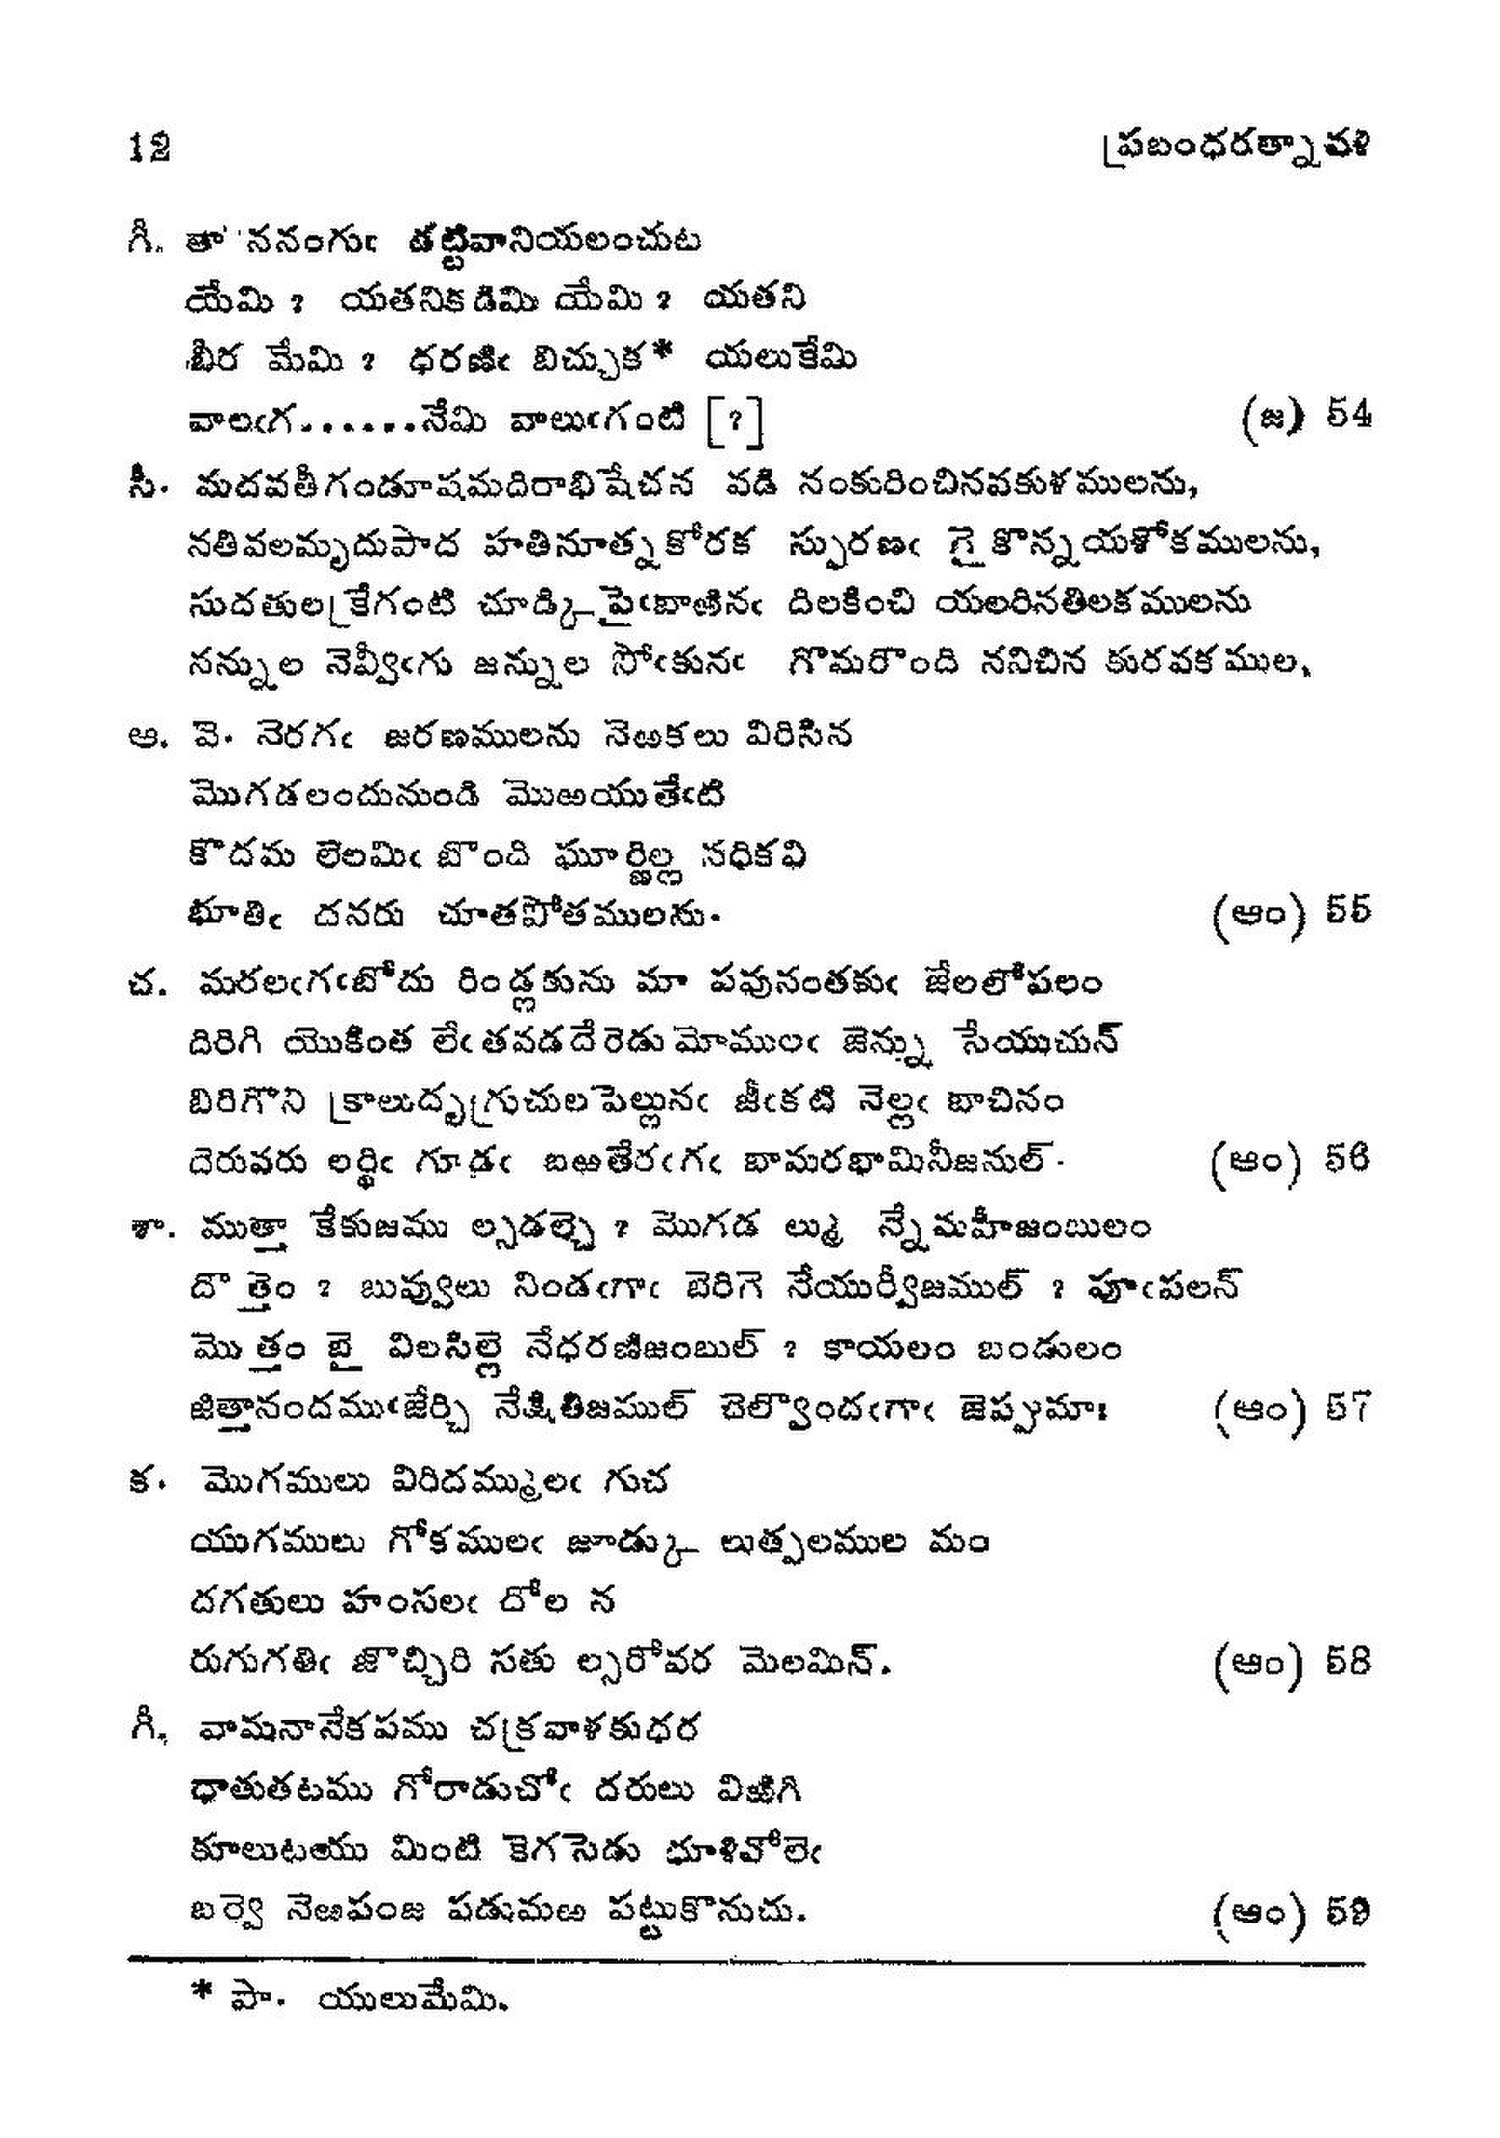గీ. తా ననంగుఁ డట్టివాని యలంచుట
యేమి? యతనికడిమి యేమి? యతని
బీర మేమి? ధరణిఁ బిచ్చుక యలుకేమి
వాలఁగ ... ... ... నేమి వాలుఁగంటి[?] (జ) 54

సీ. మదవతీగండూషమదిరాభిషేచన వడి నంకురించిన వకుళములును
నతివల మృదుపాదహతినూత్నకోరక స్ఫురణఁ గైకొన్న యశోకములను
సుదతుల క్రేగంటిచూడ్కిపైఁ బాఱినఁ దిలకించి యలరిన తిలకములను
నన్నుల నెవ్వీఁగుఁ జన్నుల సోఁకునఁ గొమరొంది ననిచిన కురవకముల
ఆ. నెరగఁ జరణములను నెఱకలు విఱిసిన
మొగడలందునుండి మొఱయు తేఁటి
కొదమ లెలమిఁ బొంది ఘూర్ణిల్ల నధికవి
భూతిఁ దనరు చూతపోతములను. (ఆం) 55

చ. మరలఁగఁ బోదు రిండ్లకును మా పవునంతకుఁ జేలలోపలం
దిరిగి యొకింత లేఁతవడఁదేరెడు మోములఁ జెన్ను సేయుచున్
బిరిగొని క్రాలు దృగ్రుచుల పెల్లునఁ జీఁకటి నెల్లఁ బాచినం
దెరువరు లర్థిఁ గూడఁ బఱతేరఁగఁ బామరభామినీజనుల్. (ఆం) 56

శా. ముత్తా కేకుజము ల్సడల్చె? మొగడ ల్మున్నేమహీజంబులం
దొత్తెం? బువ్వులు నిండఁగాఁ బెరిఁగె నే యుర్వీజముల్? పూఁపలన్
మొత్తంబై విలసిల్లె నే ధరణిజంబుల్? కాయలం బండులం
జిత్తానందముఁ జేర్చి నేక్షి తిజముల్ చెల్వొందఁగాఁ జెప్పుమా! (ఆం) 57

క. మొగములు విరిదమ్ములఁ గుచ
యుగములు గోకములఁ జూడ్కు లుత్పలముల మం
దగతులు హంసలఁ దోల న
రుగుగతిఁ జొచ్చిరి సతు ల్సరోవర మెలమిన్. (ఆం) 58

తే. వామనానేకపము చక్రవాళకుధర
ధాతుతటము గోరాడుచోఁ దరులు విఱిగి
కూలుటయు మింటి కెగసెడు ధూళివోలెఁ
బర్వె నెఱసంజ పడుమఱ పట్టుకొనుచు. (ఆం) 59